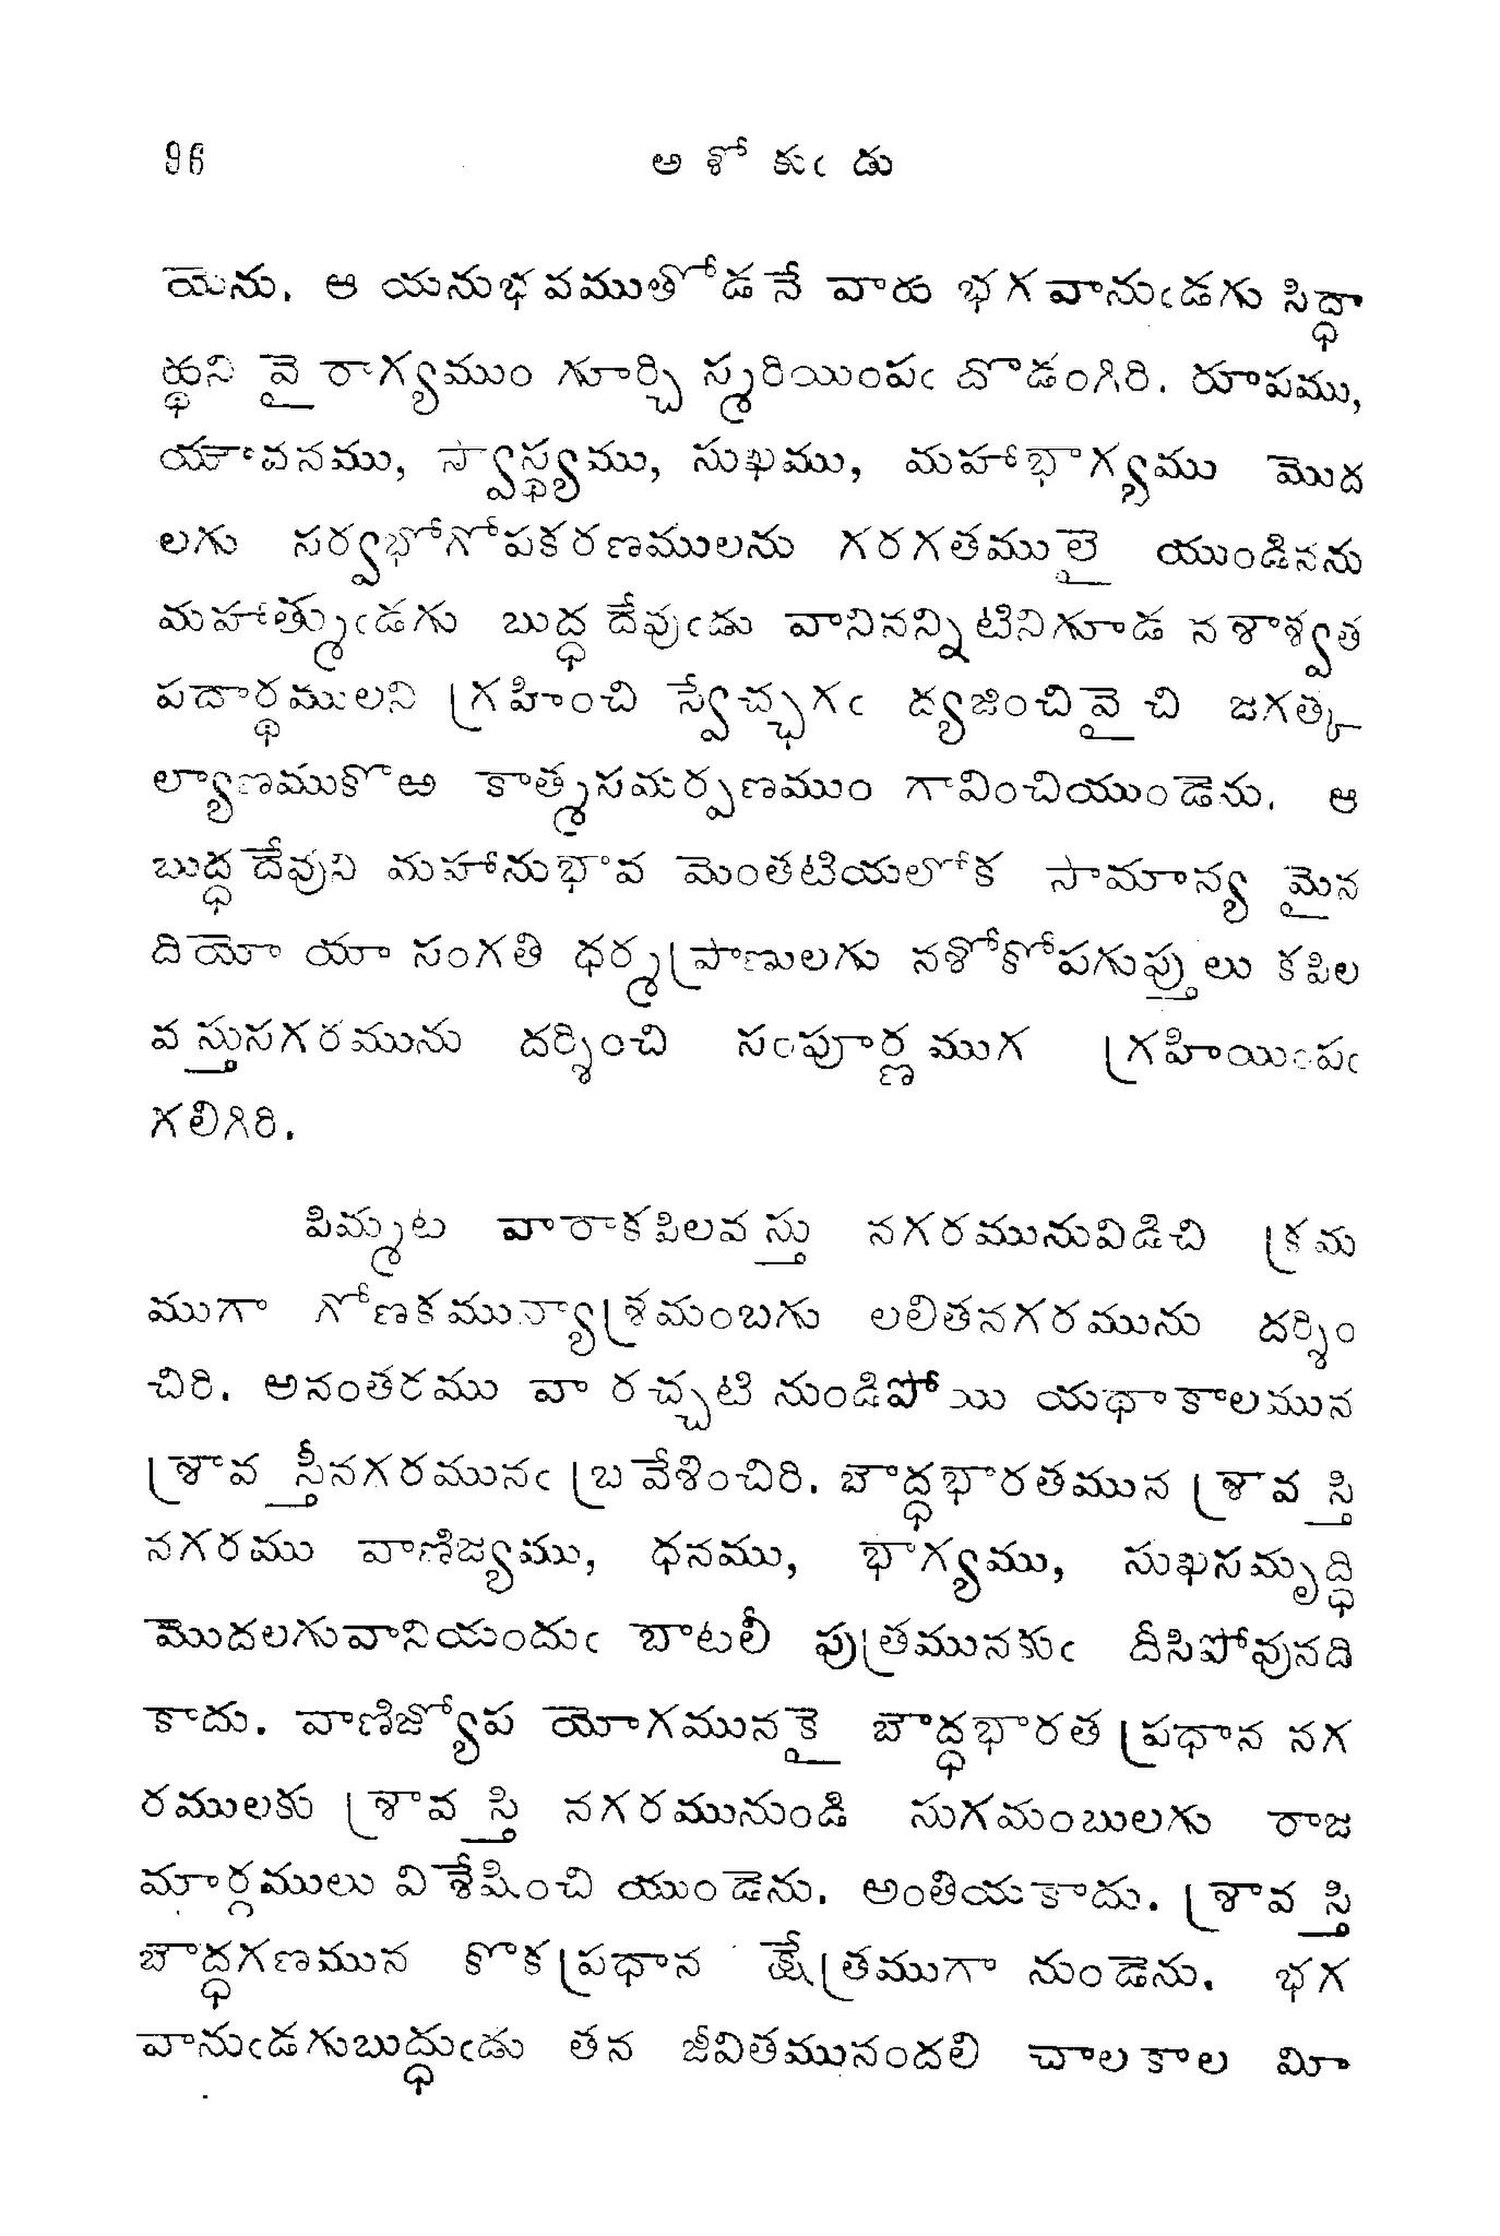యెను. ఆ యనుభవముతోడనే వారు భగవానుఁడగు సిద్ధార్ధుని వైరాగ్యముం గూర్చి స్మరియింపఁ దొడంగిరి. రూపము, యౌవనము, స్వాస్థ్యము, సుఖము, మహాభాగ్యము మొదలగు సర్వభోగోపకరణములను గరగతము లై యుండినను మహాత్ముఁడగు బుద్ధ దేవుఁడు వానినన్ని టినిగూడ నశాశ్వత పదార్థము లని గ్రహించి స్వేచ్ఛగఁ ద్యజించి వైచి జగత్కల్యాణముకొఱ కాత్మ సమర్పణముం గావించియుండెను. ఆ బుద్ధదేవుని మహానుభావ మెంతటియలోక సామాన్య మైనదియో యా సంగతి ధర్మప్రాణులగు నశోకో పగుప్తులు కపిల వస్తునగరమును దర్శించి సంపూర్ణముగ గ్రహియింపఁ గలిగిరి.

పిమ్మట వారాకపిలవస్తు నగరమును విడిచి క్రమముగా గోణకమున్యాశ్రమంబగు లలితనగరమును దర్శించిరి. అనంతరము వా రచ్చటి నుండి పోయి యథా కాలమున శ్రావ స్తీనగరమునఁ బ్రవేశించిరి. బౌద్ధ భారతమున శ్రావస్తి నగరము వాణిజ్యము, ధనము, భాగ్యము, సుఖసమృద్ధి
మొదలగువానియందుఁ బాటలీ పుత్రమునకుఁ దీసిపోవునది కాదు. వాణిజ్యోప యోగమునకై బౌద్ధభారత ప్రధాన నగరములకు శ్రావస్తి నగరమునుండి సుగమంబులగు రాజమార్గములు విశేషించి యుండెను. అంతియ కాదు. శ్రావస్తి బౌద్ధగణమున కొక ప్రధాన " క్షేత్రముగా నుండెను. భగవానుఁడగు బుద్ధుఁడు తన జీవితమునందలి చాలకాల మీ